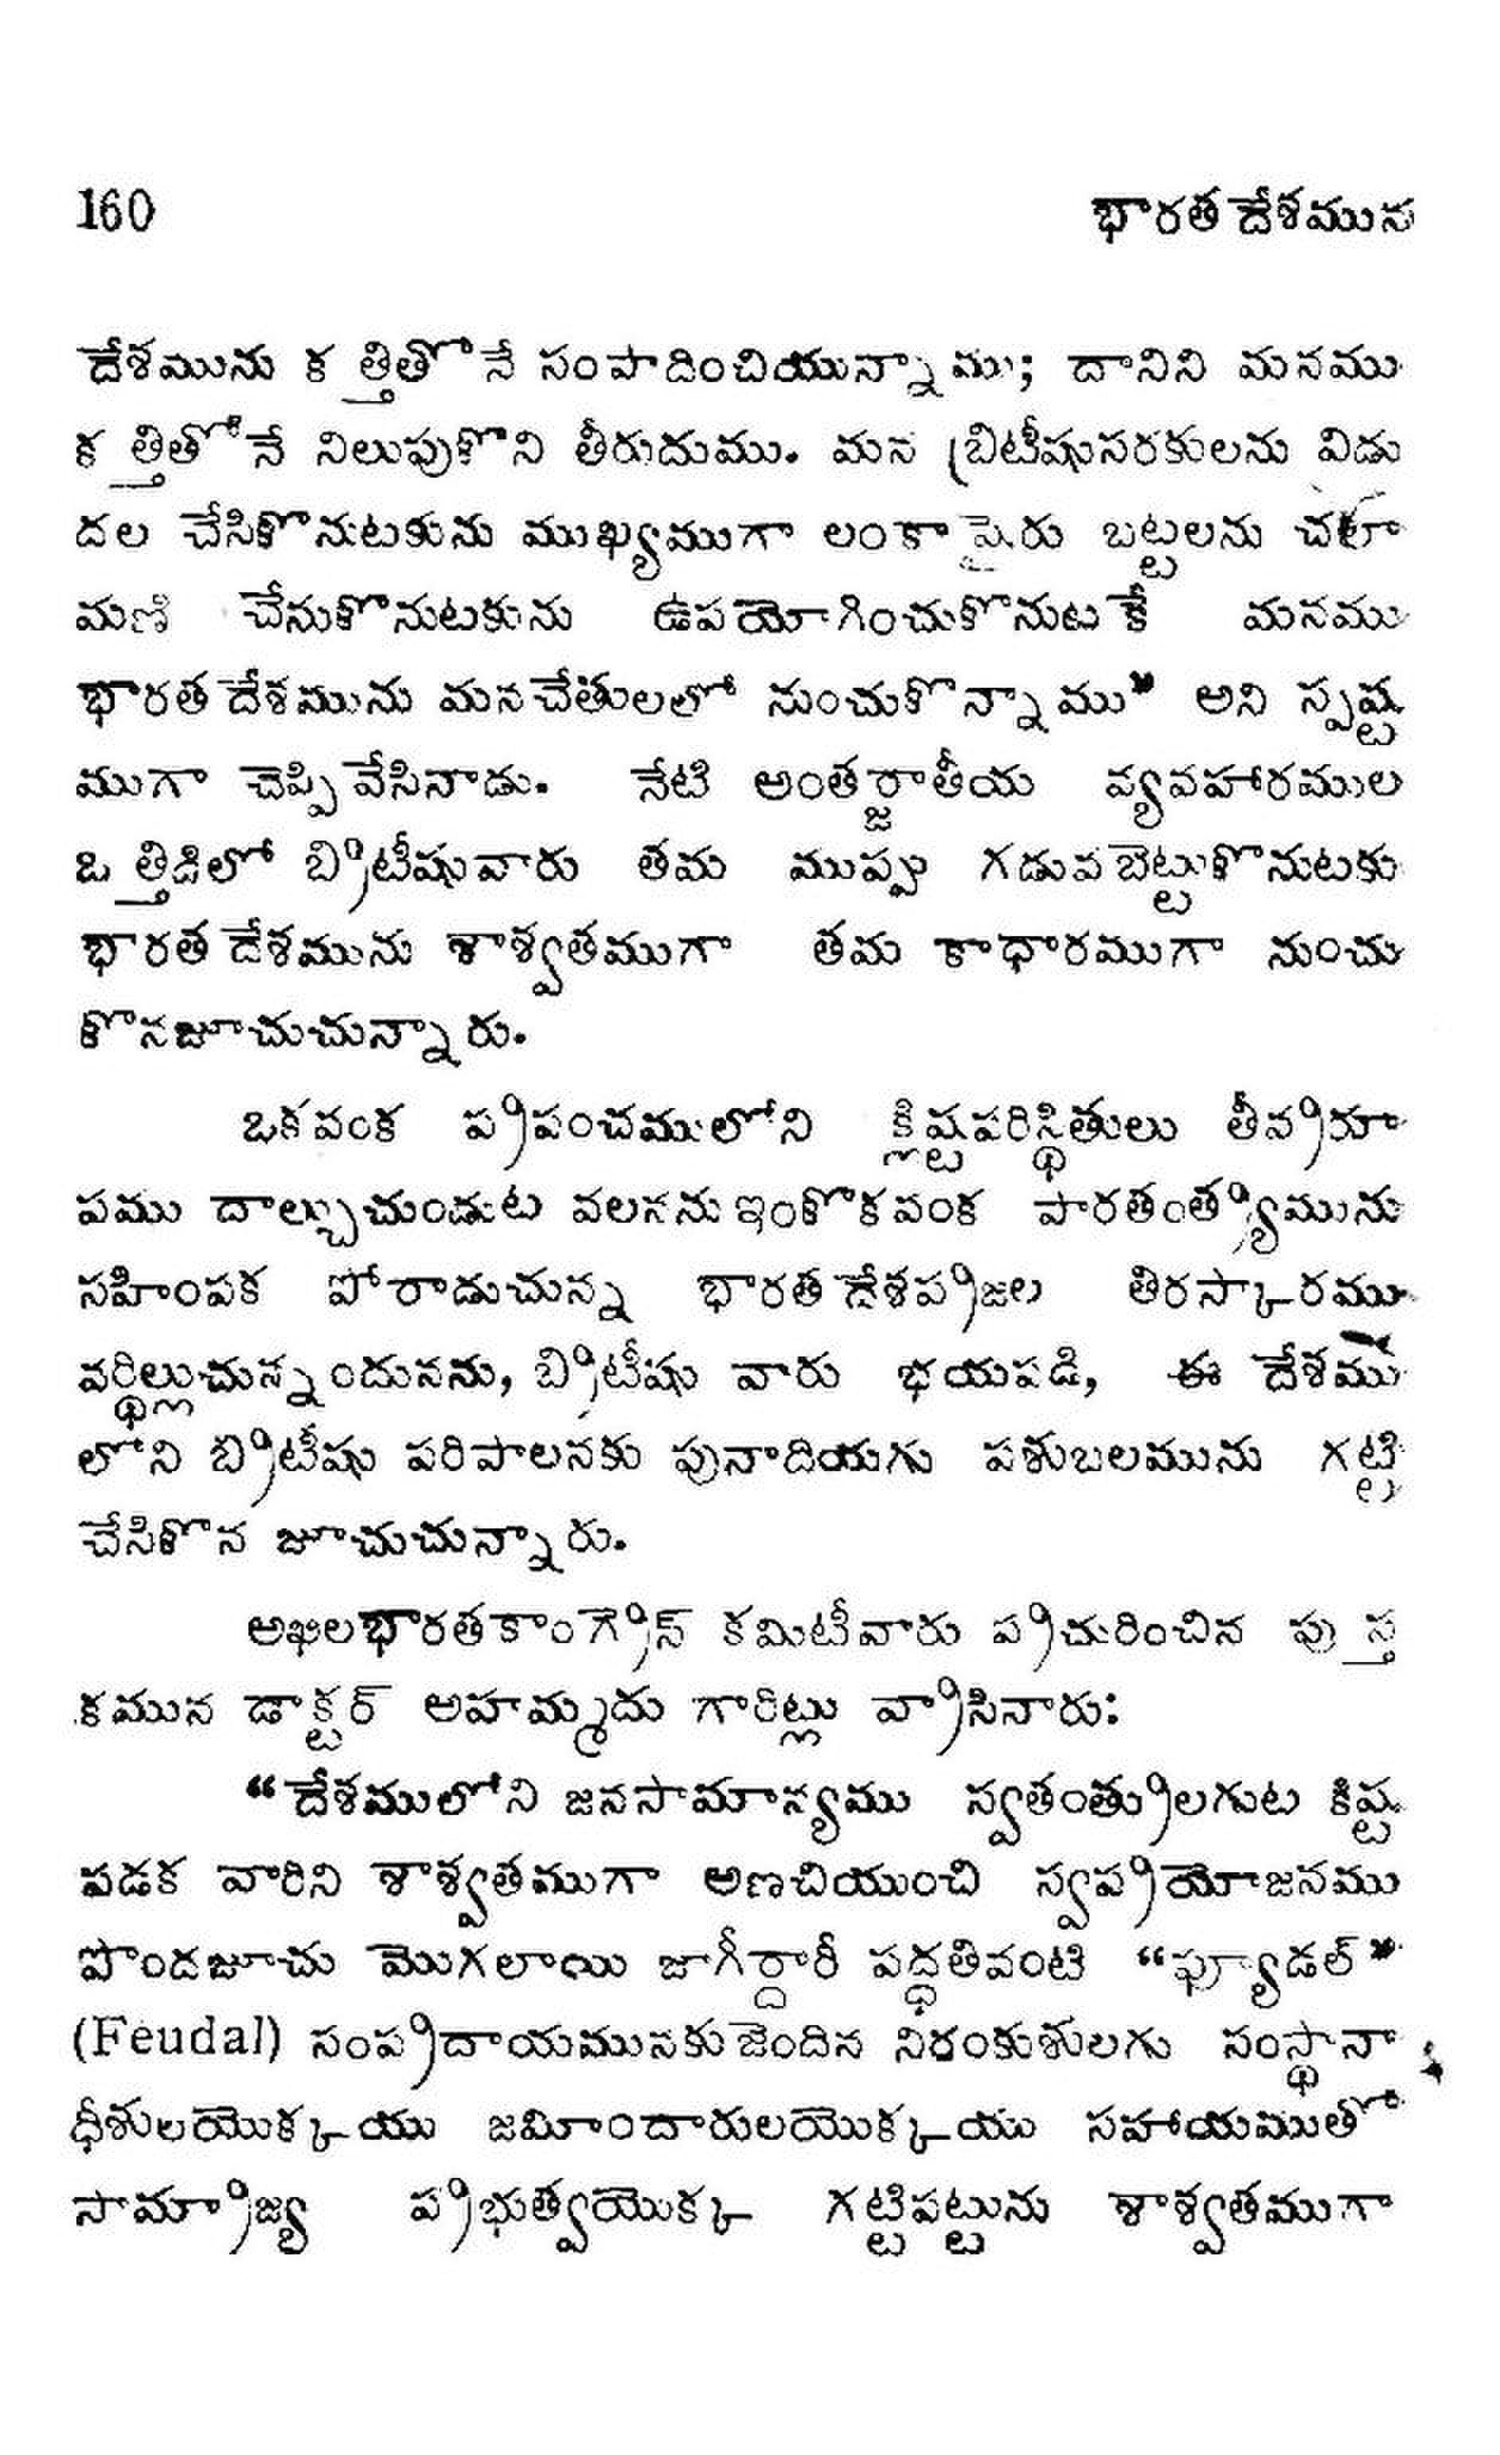దేశమును కత్తితోనే సంపాదించియున్నాము; దానిని మనము కత్తితోనే నిలుపుకొని తీరుదుము. మన బ్రిటీషుసరకులను విడుదల చేసికొనుటకును ముఖ్యముగా లంకాషైరు బట్టలను చలామణి చేసుకొనుటకును ఉపయోగించుకొనుటకే మనము భారతదేశమును మనచేతులలో నుంచుకొన్నాము" అని స్పష్టముగా చెప్పివేసినాడు. నేటి అంతర్జాతీయ వ్యవహారముల ఒత్తిడిలో బ్రిటీషువారు తమ ముప్పు గడువబెట్టుకొనుటకు భారతదేశమును శాశ్వతముగా తమ కాధారముగా నుంచు కొనజూచుచున్నారు.

ఒకవంక ప్రపంచములోని క్లిష్టపరిస్థితులు తీవ్రరూపము దాల్చుచుండుట వలనను ఇంకొకవంక పారతంత్ర్యమును సహింపక పోరాడుచున్న భారతదేశప్రజల తిరస్కారము వర్ధిల్లుచున్నందునను, బ్రిటీషు వారు భయపడి, ఈ దేశములోని బ్రిటీషు పరిపాలనకు పునాదియగు పశుబలమును గట్టి చేసికొన జూచుచున్నారు.

అఖిలభారతకాంగ్రెస్ కమిటీవారు ప్రచురించిన పుస్తకమున డాక్టర్ అహమ్మదు గారిట్లు వ్రాసినారు:

"దేశములోని జనసామాన్యము స్వతంత్రులగుట కిష్టపడక వారిని శాశ్వతముగా అణచియుంచి స్వప్రయోజనము పొందజూచు మొగలాయి జాగీర్దారీ పద్దతివంటి "ఫ్యూడల్ " (Feudal) సంప్రదాయమునకు జెందిన నిరంకుశులగు సంస్థానాధీశులయొక్కయు జమీందారులయొక్కయు సహాయముతో సామ్రాజ్య ప్రభుత్వయొక్క గట్టిపట్టును శాశ్వతముగా